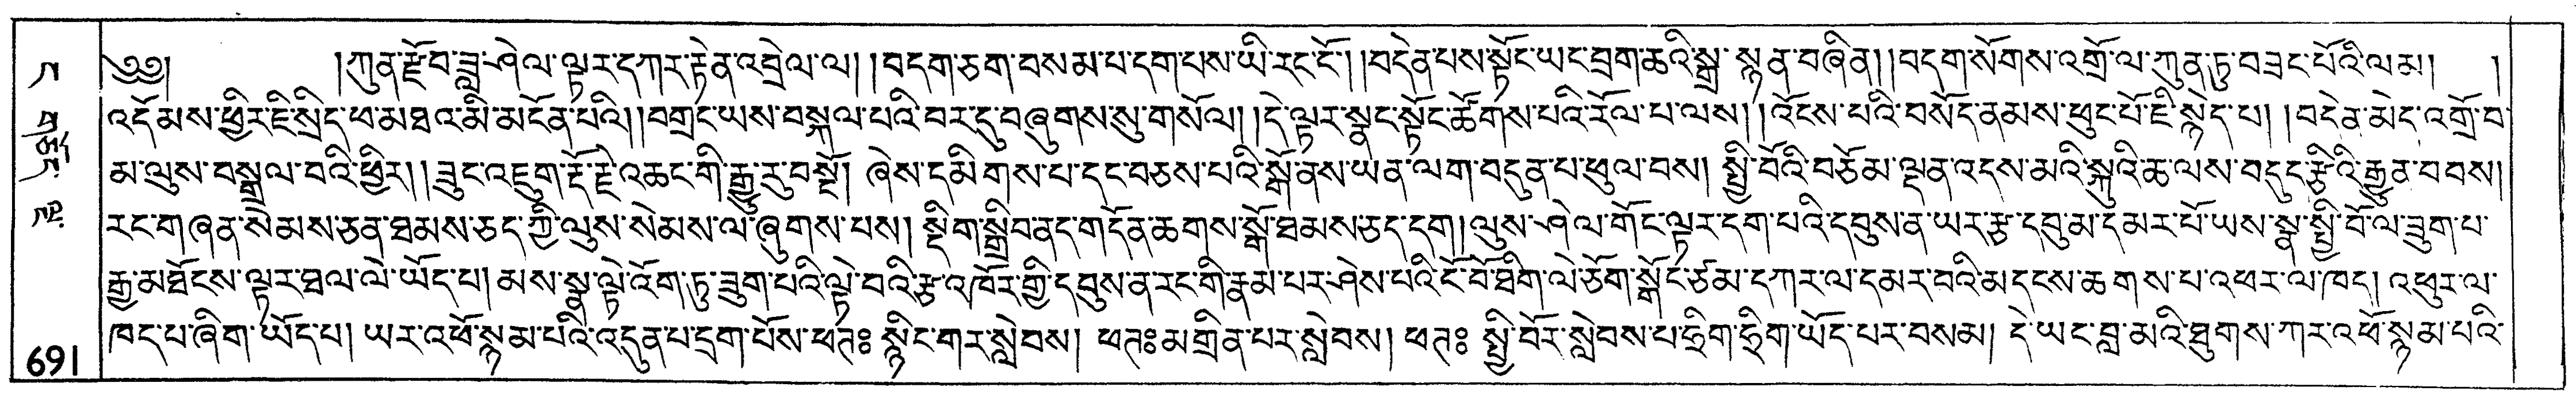༄༅། །ཀུན་རྫོབ་ཟླ་ཤེལ་ལྟར་དཀར་རྟེན་འབྲེལ་ལ། །བདག་ཅག་བསམ་པ་དག་པས་ཡི་རང་ངོ། །བདེན་པས་སྟོང་ཡང་བྲག་ཆའི་སྒྲ་སྙན་བཞིན། །བདག་སོགས་འགྲོ་ལ་ཀུན་ཏུ་བཟང་པོའི་ལམ། །
འདོམས་ཕྱིར་ཇི་སྲིད་ཕ་མཐའ་མི་མངོན་པའི། །བགྲང་ཡས་བསྐལ་པའི་བར་དུ་བཞུགས་སུ་གསོལ། །དེ་ལྟར་སྣང་སྟོང་ཚོགས་པའི་རོལ་པ་ལས། །འོངས་པའི་བསོད་ནམས་ཕུང་པོ་ཇི་སྙེད་པ། །བདེན་མེད་འགྲོ་བ་
མ་ལུས་བསྒྲལ་བའི་ཕྱིར། །ཟུང་འཇུག་རྡོ་རྗེ་འཆང་གི་རྒྱུ་རུ་བསྔོ། །ཞེས་དམིགས་པ་དང་བཅས་པའི་སྒོ་ནས་ཡན་ལག་བདུན་པ་ཕུལ་བས། སྤྱི་བོའི་བཅོམ་ལྡན་འདས་མའི་སྐུའི་ཆ་ལས་བདུད་རྩིའི་རྒྱུན་བབས།
རང་གཞན་སེམས་ཅན་ཐམས་ཅད་ཀྱི་ལུས་སེམས་ལ་ཞུགས་པས། སྡིག་སྒྲིབ་ནད་གདོན་ཆགས་སྒོ་ཐམས་ཅད་དག །ལུས་ཤེལ་གོང་ལྟར་དག་པའི་དབུས་ན་ཡར་རྩ་དབུ་མ་དམར་པོ་ཡས་སྣ་སྤྱི་བོ་ལ་ཟུག་པ་
རྒྱ་མཐོངས་ལྟར་ཐལ་ལེ་ཡོད་པ། མས་སྣ་ལྟེ་འོག་ཏུ་ཟུག་པའི་ལྟེ་བའི་རྩ་འཁོར་གྱི་དབུས་ན་རང་གི་རྣམ་པར་ཤེས་པའི་ངོ་བོ་ཐིག་ལེ་ཅོག་སྒོང་ཙམ་དཀར་ལ་དམར་བའི་མདངས་ཆགས་པ་འཕར་ལ་ཁད། འཕུར་ལ་
ཁད་པ་ཞིག་ཡོད་པ། ཡར་འཕོ་སྙམ་པའི་འདུན་པ་དྲག་པོས་ཕཊཿ སྙིང་གར་སླེབས། ཕཊཿ མགྲིན་པར་སླེབས། ཕཊཿ སྤྱི་བོར་སླེབས་པ་ཧྲིག་ཧྲིག་ཡོད་པར་བསམ། དེ་ཡང་བླ་མའི་ཐུགས་ཀར་འཕོ་སྙམ་པའི་